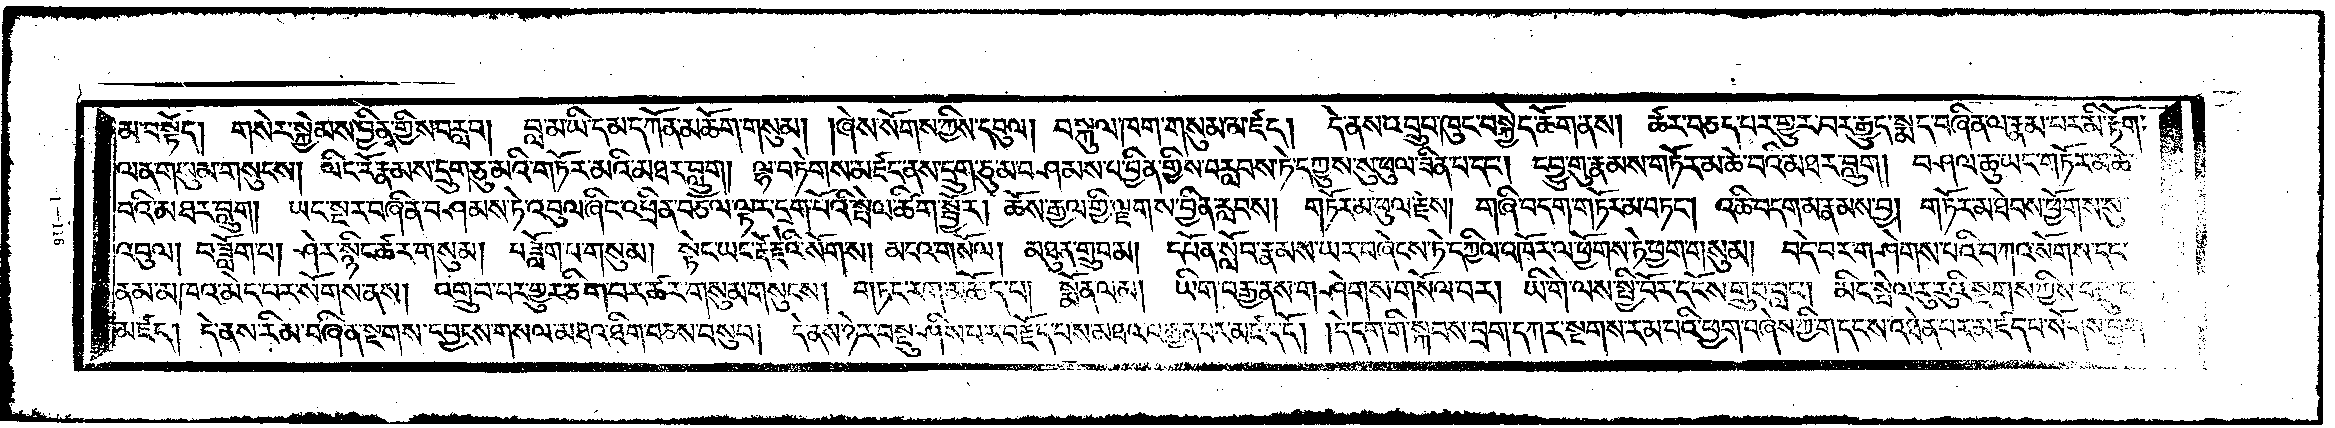མ་བསྟོད། གསེར་སྐྱེམས་བྱིན་གྱིས་བརླབ། བླ་མ་ཡི་དམ་དཀོན་མཆོག་གསུམ། །ཞེས་སོགས་ཀྱིས་དབུལ། བསྐུལ་ཁག་གསུམ་མཛད། དེ་ནས་འབྲུབ་ཁུང་བསྐྱེད་ཆོག་ནས། ཚར་བཅད་པར་གྱུར་བར་རྒྱུད་སྨད་བཞིན་ལ་རྣམ་པར་མི་རྟོག་
ལན་གསུམ་གསུངས། ལིང་རོ་རྣམས་དྲུག་ཅུ་མའི་གཏོར་མའི་མཐར་བླུག། ལྷ་བཏེགས་མཛད་ནས་དྲུག་ཅུ་མ་བཤམས་པ་བྱིན་གྱིས་བརླབས་ཏེ་དཀྱུས་སུ་ཕུལ་ཟིན་པ་དང་། དབྱུ་གུ་རྣམས་གཏོར་མཆེ་བའི་མཐར་བླུག། བཤལ་ཆུ་ཡང་གཏོར་མཆེ་
བའི་མཐར་བླུག། ཡང་སྔར་བཞིན་བཤམས་ཏེ་འབུལ་ཞིང་འཕྲིན་བཅོལ་ལྟར་དྲག་པོའི་སྤེལ་ཚིག་སྦྱོར། ཆོས་རྒྱལ་གྱི་ལྗགས་བྱིན་རླབས། གཏོར་མ་ཕུལ་རྗེས། གཞི་བདག་གཏོར་མ་བཏང་། འཆི་བདག་མ་རྣམས་བྱ། གཏོར་མ་ཐེབས་ཕྱོགས་སུ་
འབུལ། བཟློག་པ། ཤེར་སྙིང་ཚར་གསུམ། བཟོག་པ་གསུམ། སྟེང་ཡང་རྡོ་རྗེའི་སོགས། མངའ་གསོལ། མཐུན་གྲུབ་མ། དཔོན་སློབ་རྣམས་ཡར་བཞེངས་ཏེ་དཀྱིལ་འཁོར་ལ་ཕྱོགས་ཏེ་ཕྱག་གསུམ། བདེ་བར་གཤེགས་པའི་བཀའ་སོགས་དང་
ནམ་མཁའ་མེད་པར་སོགས་ནས། འགྲུབ་པར་གྱུར་ཅིག་བར་ཚར་གསུམ་གསུངས། གཏང་རག་མཆོད་པ། སྨོན་ལམ། ཡིག་བརྒྱ་ནས་གཤེགས་གསོལ་བར། ཡི་གེ་ལས་སྤྱི་བོར་དངོས་གྲུབ་བླང་། མིང་སྤེལ་རུ་རུའི་སྔགས་ཀྱིས་བསྡུ་བར་
མཛད། དེ་ནས་རིམ་བཞིན་སྔགས་དབྱངས་གསལ་མཐའ་ཐིག་བཅས་བསུབ། དེ་ནས་ཉེར་བསྡུ་ཤིས་པར་བརྗོད་པས་མཐའ་བརྒྱན་པར་མཛད་དོ། །དེ་དག་གི་སྐབས་བྲག་དཀར་སྔགས་རམ་པའི་ཕྱག་བཞེས་ཀྱི་གདངས་འཐེན་པར་མཛད་པ་སོགས་ཕྱག་